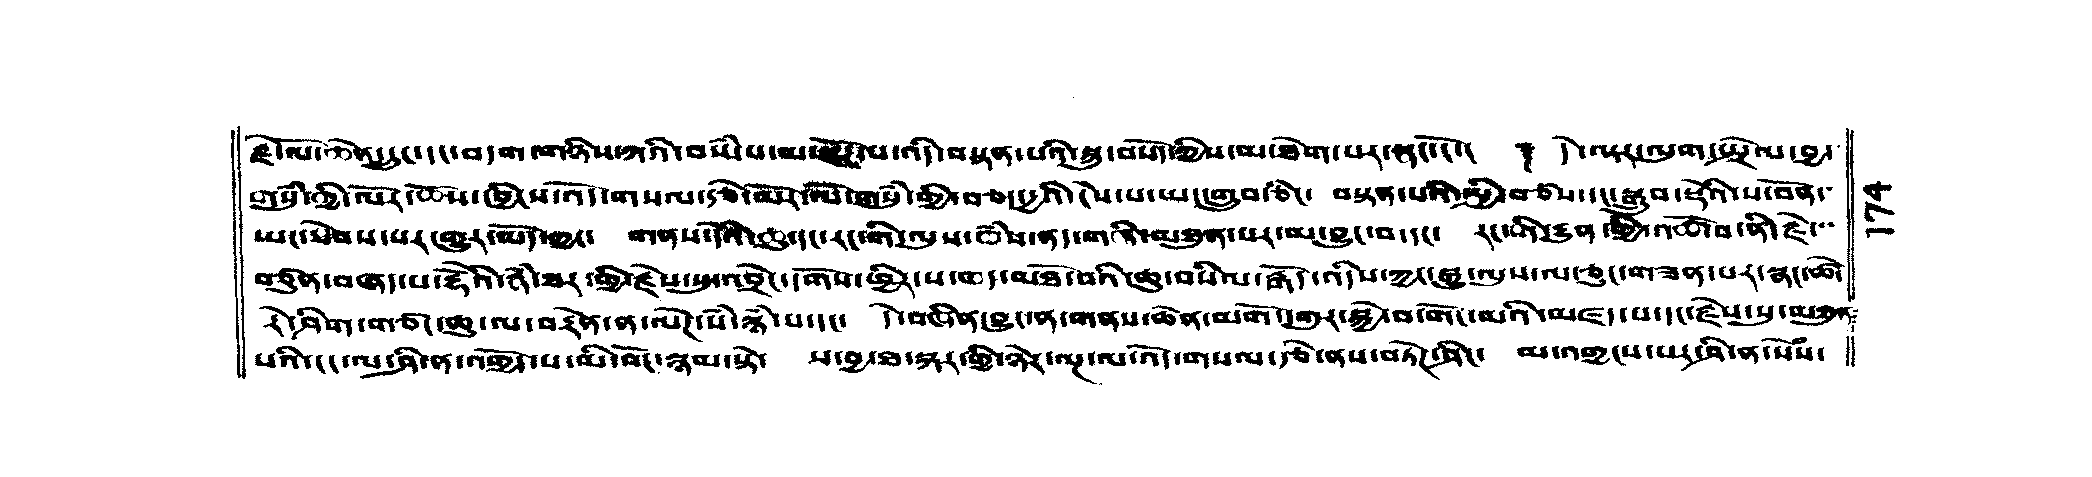རྗེ་ལོ་ཆེན་དྲུང་དང་བདག་གཉིས་ཀའི་བསམ་པ་མ་རྫོགས་པ་འདི་བསྟན་པའི་སྐུ་བསོད་ཀྱིས་མ་ཐེག་པར་སྣང་ངོ་། དེ་ལྟར་ལུག་སྤྲེལ་བྱ་
གསུམ་གྱི་ལོར་ཆོས་དབྱིངས་འོད་གསལ་རྩེ་མོར་ལོ་གསུམ་གྱི་བཅད་རྒྱའི་ངེས་པ་ཡང་གྲུབ་ཅིང་། བསྟན་པའི་སྤྱི་བཙས་དང་སྒྲུབ་སྡེའི་ས་བོན་
ཡང་ཐེབས་པར་གྱུར་མོད་ཀྱང་། གནས་དེའི་ཆུ་དང་རང་གི་ལུས་ཁམས་ནད་གཞི་མཐུན་པར་མ་བྱུང་བ་དང་། རང་གི་རྒྱུན་གྱི་འཚོ་བ་ནི་རྗེ་
བཙུན་བཞད་པ་རྡོ་རྗེའི་རྣམ་ཐར་གྱི་རྗེས་སུ་འབྲང་དགོས་ཕྱིར་ས་ཁད་མཐོ་བའི་ཆུ་བསིལ་རྒོད་འདིས་ཀྱང་སྒྱུ་ལུས་ལ་ཅུང་གཟན་པར་སྣང་ཚེ་
རེ་ཤིག་གཙང་ཆུ་ལ་བརྟེན་ན་ལེགས་སམ་སྙམ་པ་དང་། དེ་བཞིན་བྱུང་ན་གནས་ཆེན་མགོ་དགུར་སྐྱེ་བ་གོང་མའི་མཛད་པ་དང་རྗེས་སུ་མཐུན་
པའི་ངང་ལ་ཤི་ན་འགྱོད་པ་མི་འོང་སྙམ་སྟེ། ས་བྱ་ཐ་སྐར་གྱི་ཉེར་ལྔ་ལ་འོད་གསལ་རྩེ་ནས་བཏེགས་ཤིང་། མ་འགྱངས་པར་ཤི་ན་སེམས་